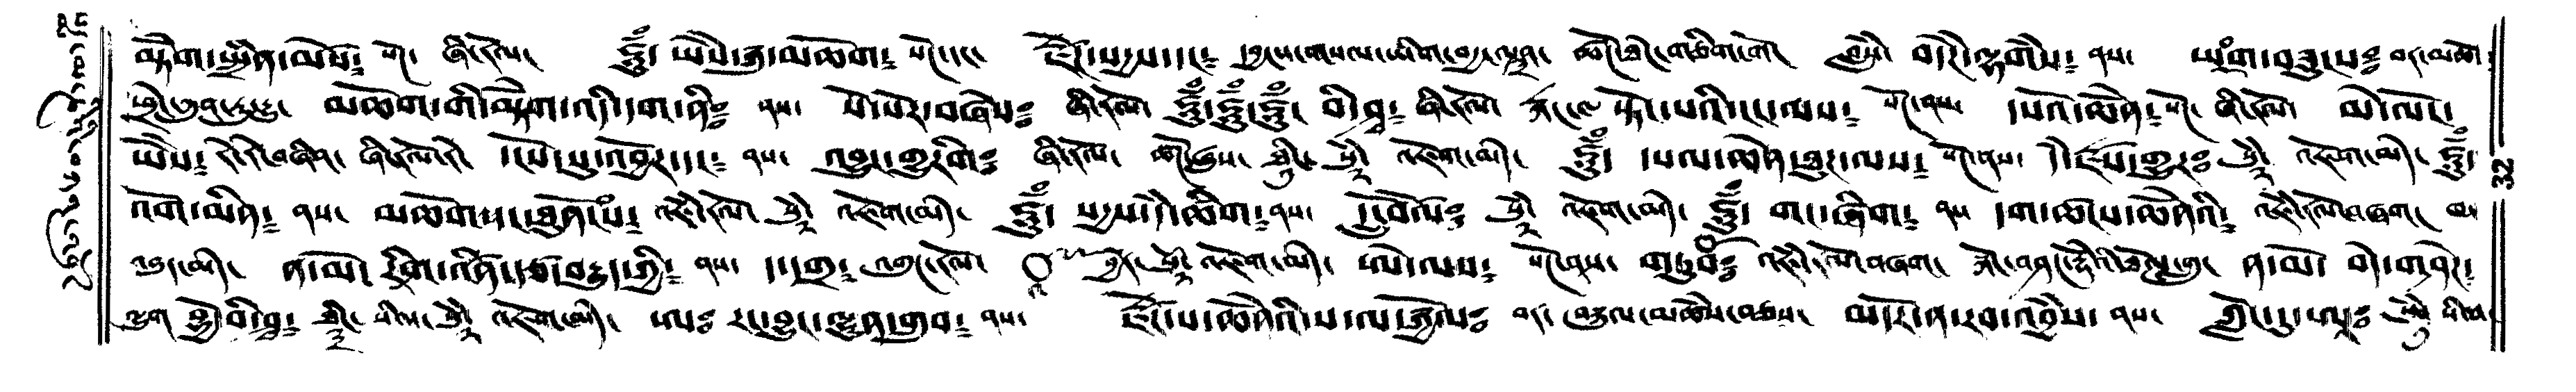མེ་ཏོག་སྤྲིན་མཛེས༴ སོགས། ཞི་རོལ། ཧཱུྃ། ཡེ་ཤེས་སྐུ་མཆོག༴ སོགས་དང་། རྫོགས་སངས་རྒྱས་དང༴ དབྱངས་གསལ་ཡིག་བརྒྱ་ལན་གསུམ། ཚོགས་ཐེངས་གཅིག་གོ། བླ་མས། བདེ་གཤེགས་ལྷ་ཚོགས༴ ནས། ཡན་ལག་ཟུངས༔ བར་མཆོད་
ཕྲེང་ཀུན་ཏུ་རྒྱུ། མཆོག་གི་མེ་ཏོག་འདི་དག་ནི༴ ནས། སོ་སོར་བཞེས༔ ཞི་རོལ། ཧཱུྃ་ཧཱུྃ་ཧཱུྃ། བི་ཤྭ༴ ཞི་རོལ། རྐང་བཞི། སྟོང་པའི་ངང་ལས༴ སོགས་ནས། དཔའ་བོ་ཆེན་པོ༴ སོགས། ཞི་རོལ། མེ་ལོང་
ཡེ་ཤེས༴ རེ་རེ་བཞིན། ཞི་རོལ་ར ེ། དངོས་སུ་འབྱོར་དང༴ ནས། འབྱུང་གྱུར་ཅིག༔ ཞི་རོལ། ཚོགས་ཞུས། ཐིང་གཅིག སུམ་གཉིས། འཇོག་མེད། ཧཱུྃཿ དཔལ་ཆེན་ཐུགས་ལས༴ སོགས་ནས། དམ་རྫས་གྱུར༔ སུམ་གཉིས། འཇོག་མེད། ཧཱུྃཿ 
འོག་མིན༴ ནས། མཆོག་དང་ཐུན་མོང༴ འཇམ་རོལ། སུམ་གཉིས། འཇོག་མེད། ཧཱུྃཿ སངས་རྒྱས་དམ་ཚིག༴ ནས། དངོས་གྲུབ་སྩོལ༔ སུམ་གཉིས། འཇོག་མེད། ཧཱུྃཿ གང་ཞིག༴ ནས། དག་ཚངས་ཆེན་པོའི༴ འཇམ་རོལ་བཞག ཁ་
འབུད་མེད། ན་མོ་རིག་འཛིན་རྩ་བརྒྱུད་ཀྱི༴ ནས། ད་དགྲ༴ འགུགས་རོལ། སྦྱར། སུམ་གཉིས། འཇོག་མེད། ཨེ་ལས༴ སོགས་ནས༴ གཏུབཿ འཇམ་རོལ་བཞག སྐོང་བཤགས་རྡོ་རྗེའི་ཐོལ་གླུ། ན་མོཿ བདེ་གཤེགས༴ 
ལྷུག བྷྱོ་བི་ཤྭ༴ ཐིང་གསུམ། སིལ། སུམ་གཅིག འཇོག་མེད། ཨཱཿརང་བྱུང་ལྷུན་གྲུབ༴ ནས། རྫོགས་པ་ཆེན་པོའི་ས་ལ་སྐྱོལཿ བར། བསྐུལ་མཚམས་བཅས། མདོར་ན་རབ་འབྱམས༴ ནས། ཀློང་དུ་ཨཱཿ སུམ་གཅིག སིལ།